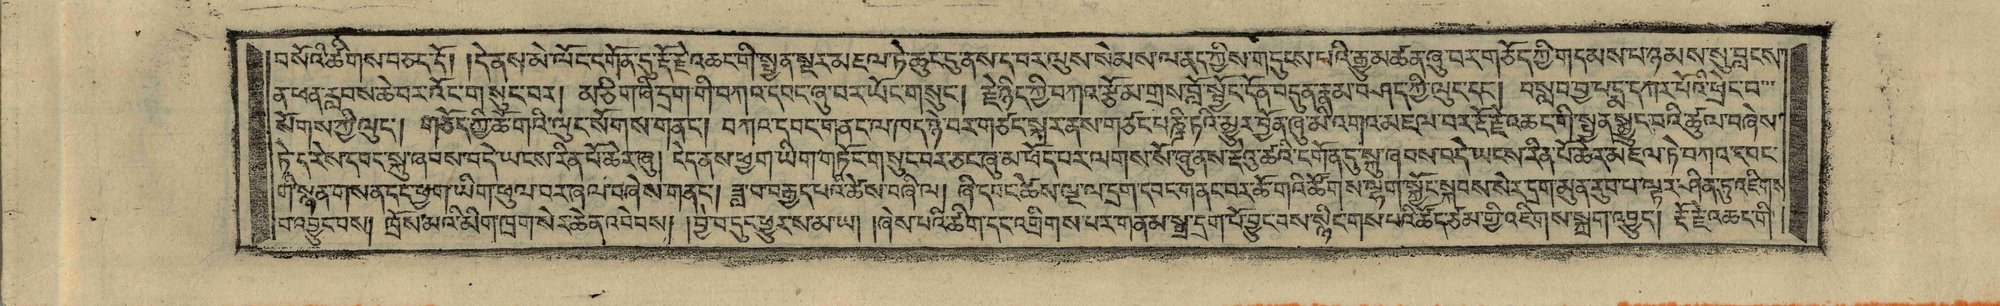བསོའི་ཚིགས་བཅད་དོ། །དེ་ནས་མེ་ལོང་དགོན་དུ་རྡོ་རྗེ་འཆང་གི་སྤྱན་སྔར་མཇལ་ཏེ་ཆུང་ངུ་ནས་ད་བར་ལུས་སེམས་ལ་ནད་ཀྱིས་གདུངས་པའི་རྒྱུ་མཚན་ཞུ་བར་གཅོད་ཀྱི་གདམས་པ་ཉམས་སུ་བླངས་
ན་ཕན་རླབས་ཆེ་བར་འོང་གསུང་བར། མ་ཅིག་ཞི་དྲག་གི་བཀའ་དབང་ཞུ་བར་ཡོང་གསུང་། རྗེ་ཉིད་ཀྱི་བཀའ་རྩོམ་གྲས་བློ་སྦྱོང་དོན་བདུན་རྣམ་བཤད་ཀྱི་ལུང་དང་། བསླབ་བྱ་པདམ་དཀར་པོའི་ཕྲེང་བ་
སོགས་ཀྱི་ལུང་། གཅོད་ཀྱི་ཆོ་གའི་ལུང་སོགས་གནང་། བཀའ་དབང་གནང་ལ་ཁད་ཉེ་བར་གཙང་སྐར་ནས་གཙང་པཎྜི་ཏའི་མྱུར་བྱོན་ཞུ་མི་འགའ་མཇལ་བར་རྡོ་རྗེ་འཆང་གི་སྤྱན་སྨྱུང་བའི་ཚུལ་བཞེས་
ཏེ་ད་རེས་དབང་སྐུ་ཞབས་བདེ་ཡངས་རིན་པོ་ཆེར་ཞུ། ངེད་ནས་ཕྱག་ཡིག་གཏོང་གསུང་བར་ཅང་ཞུ་མ་ཕོད་བར་ལགས་སོ་ཞུ་ནས་རྡེའུ་ཚའི་དགོན་དུ་སྐུ་ཞབས་བདེ་ཡངས་རིན་པོ་ཆེར་མཇལ་ཏེ་བཀའ་དབང་
གི་སྙན་གསན་དང་ཕྱག་ཡིག་ཕུལ་བར་ཞལ་བཞེས་གནང་། ཟླ་བ་བརྒྱད་པའི་ཚེས་བཞི་ལ། ཞི་དབང་ཚེས་ལྔ་ལ་དྲག་དབང་གནང་བར་ཆོ་གའི་ཚོགས་ལྷག་སྐྱོང་སྐབས་སེར་དྲག་མུན་རུབ་པ་ལྟར་ཤིན་ཏུ་འཇིགས་
པ་འབྱུང་བས། ཁྲོས་མའི་མིག་ཁྲག་སེར་ཆེན་འབེབས། །བྱེ་བ་དུང་ཕྱུར་ས་མ་ཡ། །ཞེས་པའི་ཚིག་དང་འགྲིགས་པར་གནམ་སྒྲ་དྲག་པོ་བྱུང་བས་སྙིང་གས་པའི་ཚོད་ཙམ་གྱི་འཇིགས་སྐྲག་འབྱུང་། རྡོ་རྗེ་འཆང་གི་